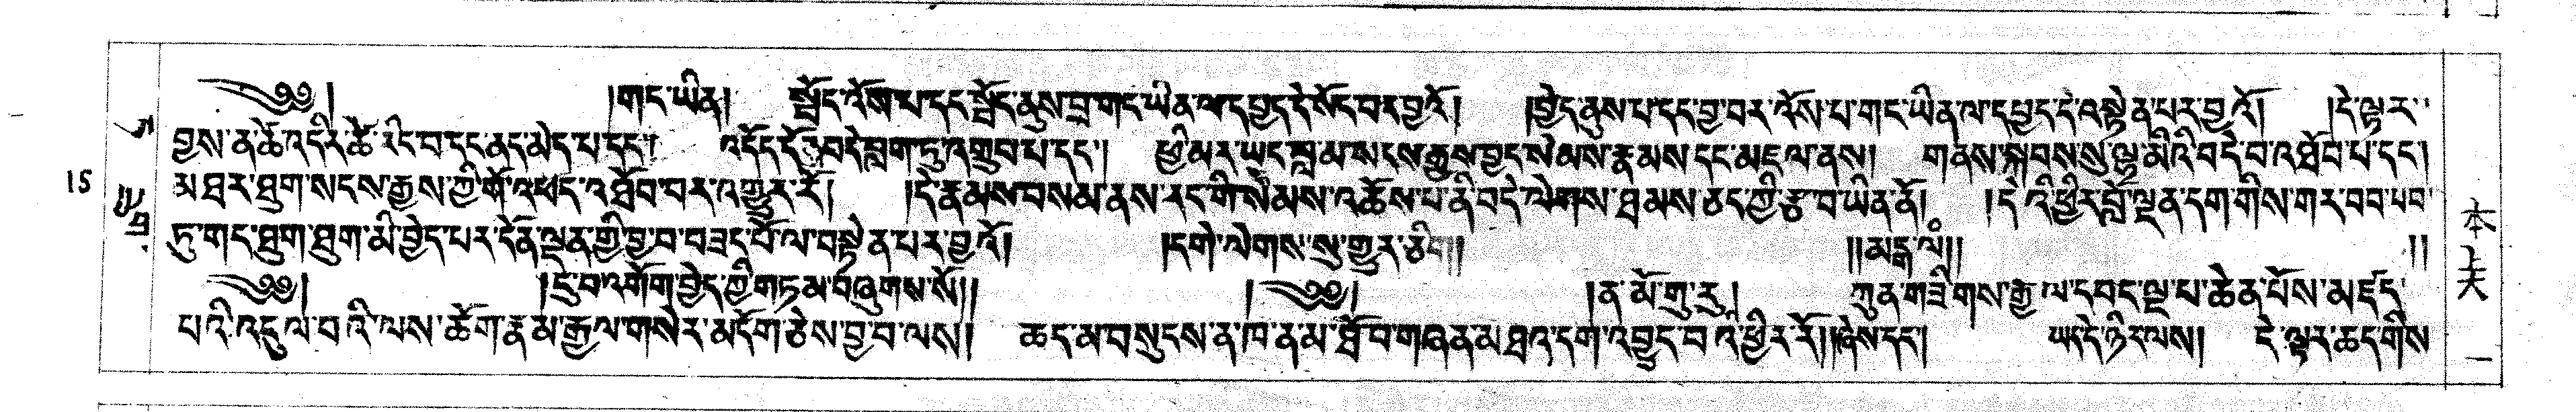༄༅། །གང་ཡིན། སྤོང་འོས་པ་དང་སྦོང་ནུས་བྲ་གང་ཡིན་ལ་དཔྱད་དེ་སོང་བར་བྱའོ། །བྱེད་ནུས་པ་དང་བྱ་བར་འོས་པ་གང་ཡིན་ལ་དཔྱད་དེ་བསྟེན་པར་བྱའོ། །དེ་ལྟར་
བྱས་ན་ཚེ་འདིར་ཚེ་རིང་བ་དང་ནད་མེད་པ་དང་། འདོད་དོན་བདེ་བླག་ཏུ་འགྲུབ་པ་དང་། ཕྱི་མར་ཡང་བླ་མ་སངས་རྒྱས་བྱང་སེམས་རྣམས་དང་མཇལ་ནས། གནས་སྐབས་སུ་ལྷ་མིའི་བདེ་བ་འཐོབ་པ་དང་།
མཐར་ཐུག་སངས་རྒྱས་ཀྱི་གོ་འཕང་འཐོབ་བར་འགྱུར་རོ། །དེ་རྣམས་བསམ་ནས་རང་གི་སེམས་འཆོས་པ་ནི་བདེ་ལེགས་ཐམས་ཅད་ཀྱི་རྩ་བ་ཡིན་ནོ། །དེའི་ཕྱིར་བློ་ལྡན་དག་གིས་གར་བབ་པབ་
ཏུ་གང་ཐུག་ཐུག་མི་བྱེད་པར་དོན་ལྡན་གྱི་བྱ་བ་བཟང་པོ་ལ་བསྟེན་པར་བྱའོ། །དགེ་ལེགས་སུ་གྱུར་ཅིག། །།མངྒ་ལཾ།། །།
༄༅། །དུ་བ་འགོག་བྱེད་ཀྱི་གཏམ་བཞུགས་སོ།། ། ༄༅། །ན་མོ་གུ་རུ། ཀུན་གཟིགས་རྒྱལ་དབང་ལྔ་པ་ཆེན་པོས་མཛད་
པའི་འདུལ་བའི་ལས་ཆོག་རྣམ་རྒྱལ་གསེར་མདོག་ཅེས་བྱ་བ་ལས། ཆད་མ་བསུངས་ན་ཁ་ནམ་ཐོ་བ་གཞན་མཐའ་དག་འབྱུང་བའི་ཕྱིར་རོ། །ཞེས་དང་། ཡང་དེ་ཉིད་ལས། དེ་ལྟར་ཆད་གིས་